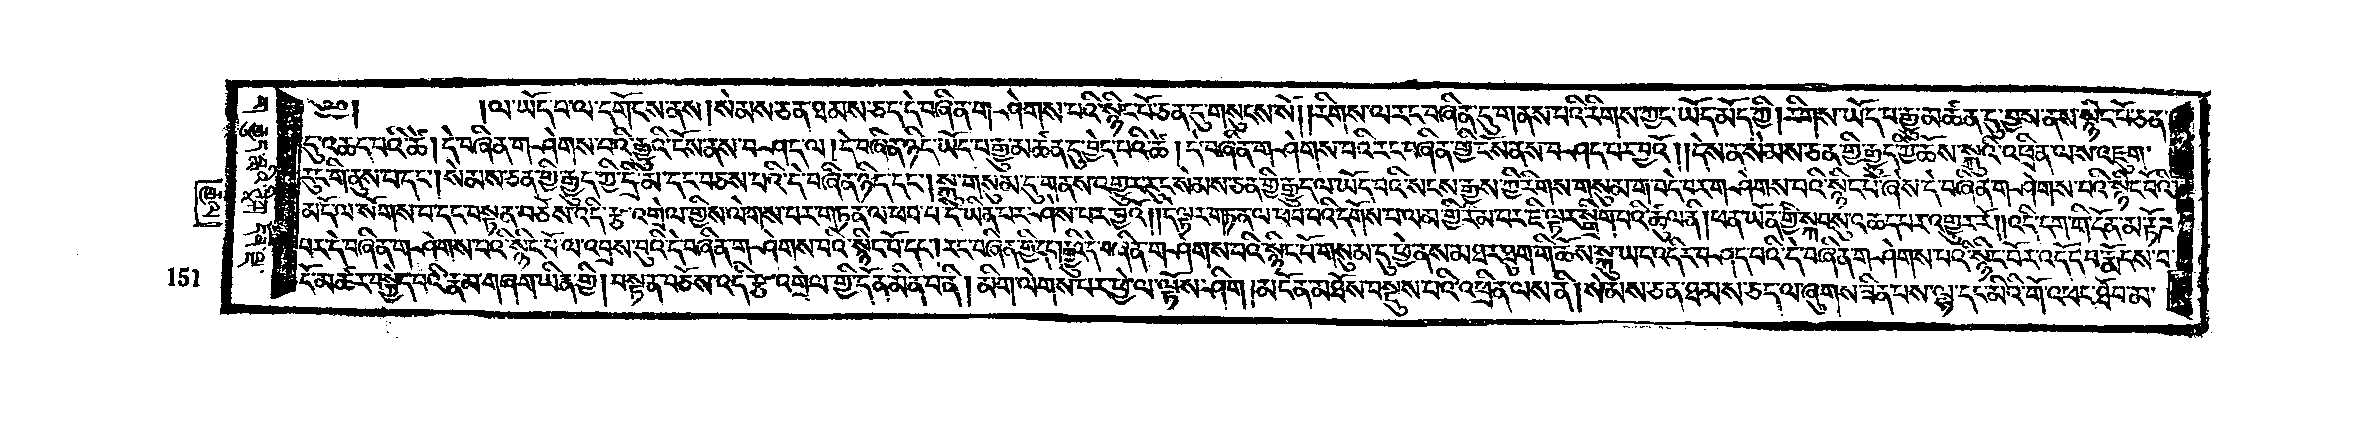༄༅། །ལ་ཡོད་པ་ལ་དགོངས་ནས། སེམས་ཅན་ཐམས་ཅད་དེ་བཞིན་གཤེགས་པའི་སྙིང་པོ་ཅན་དུ་གསུངས་སོ། །རིགས་ལ་རང་བཞིན་དུ་གནས་པའི་རིགས་ཀྱང་ཡོད་མོད་ཀྱི། རིགས་ཡོད་པ་རྒྱུ་མཚན་དུ་བྱས་ནས་སྙིང་པོ་ཅན་
དུ་འཆད་པའི་ཚེ། དེ་བཞིན་གཤེགས་པའི་རྒྱུའི་ངོས་ནས་བཤད་ལ། དེ་བཞིན་ཉིད་ཡོད་པ་རྒྱུ་མཚན་དུ་བྱེད་པའི་ཚེ། དེ་བཞིན་གཤེགས་པའི་རང་བཞིན་གྱི་ངོས་ནས་བཤད་པར་བྱའོ། །དེས་ན་སེམས་ཅན་གྱི་རྒྱུད་ཀྱི་ཆོས་སྐུའི་འཕྲིན་ལས་འཇུག་
རུང་གི་ནུས་པ་དང་། སེམས་ཅན་གྱི་རྒྱུད་ཀྱི་དྲི་མ་དང་བཅས་པའི་དེ་བཞིན་ཉིད་དང་། སྐུ་གསུམ་དུ་གནས་འགྱུར་རུང་སེམས་ཅན་གྱི་རྒྱུད་ལ་ཡོད་པའི་སངས་རྒྱས་ཀྱི་རིགས་གསུམ་ག་བདེ་བར་གཤེགས་པའི་སྙིང་པོ་ཞེས་དེ་བཞིན་གཤེགས་པའི་སྙིང་པོའི་
མདོ་ལ་སོགས་པ་དང་བསྟན་བཅས་འདི་རྩ་འགྲེལ་གྱིས་ལེགས་པར་གཏན་ལ་ཕབ་པ་དེ་ཡིན་པར་ཤེས་པར་བྱའོ། །དེ་ལྟར་གཏན་ལ་ཕབ་པའི་དགོས་པ་ལམ་གྱི་རིམ་པར་ཇི་ལྟར་སྒྲིབ་པའི་ཚུལ་ནི། ཕན་ཡོན་གྱི་སྐབས་སུ་འཆད་པར་འགྱུར་རོ། །འདི་དག་གི་དོན་མ་རྟོགས་
པར་དེ་བཞིན་གཤེགས་པའི་སྙིང་པོ་ལ་འབྲས་བུའི་དེ་བཞིན་གཤེགས་པའི་སྙིང་པོ་དང་། རང་བཞིན་གྱི་དང་། རྒྱུའི་དེ་བཞིན་གཤེགས་པའི་སྙིང་པོ་གསུམ་དུ་ཕྱེ་ནས་མཐར་ཐུག་གི་ཆོས་སྐུ་ཡང་འདིར་བཤད་པའི་དེ་བཞིན་གཤེགས་པའི་སྙིང་པོར་འདོད་པ་རྨོངས་པ་
ངོ་མཚར་བསྐྱེད་པའི་རྣམ་གཞག་ཡིན་གྱི་།བསྟན་བཅོས་འདི་རྩ་འགྲེལ་གྱི་དོན་མིན་པ་ནི། མིག་ལེགས་པར་ཕྱེ་ལ་ལྟོས་ཤིག །མངོན་མཐོས་བསྡུས་པའི་འཕྲིན་ལས་ནི། སེམས་ཅན་ཐམས་ཅད་ལ་ཞུགས་ཟིན་པས་ལྷ་དང་མིའི་གོ་འཕང་ཐོབ་མ་